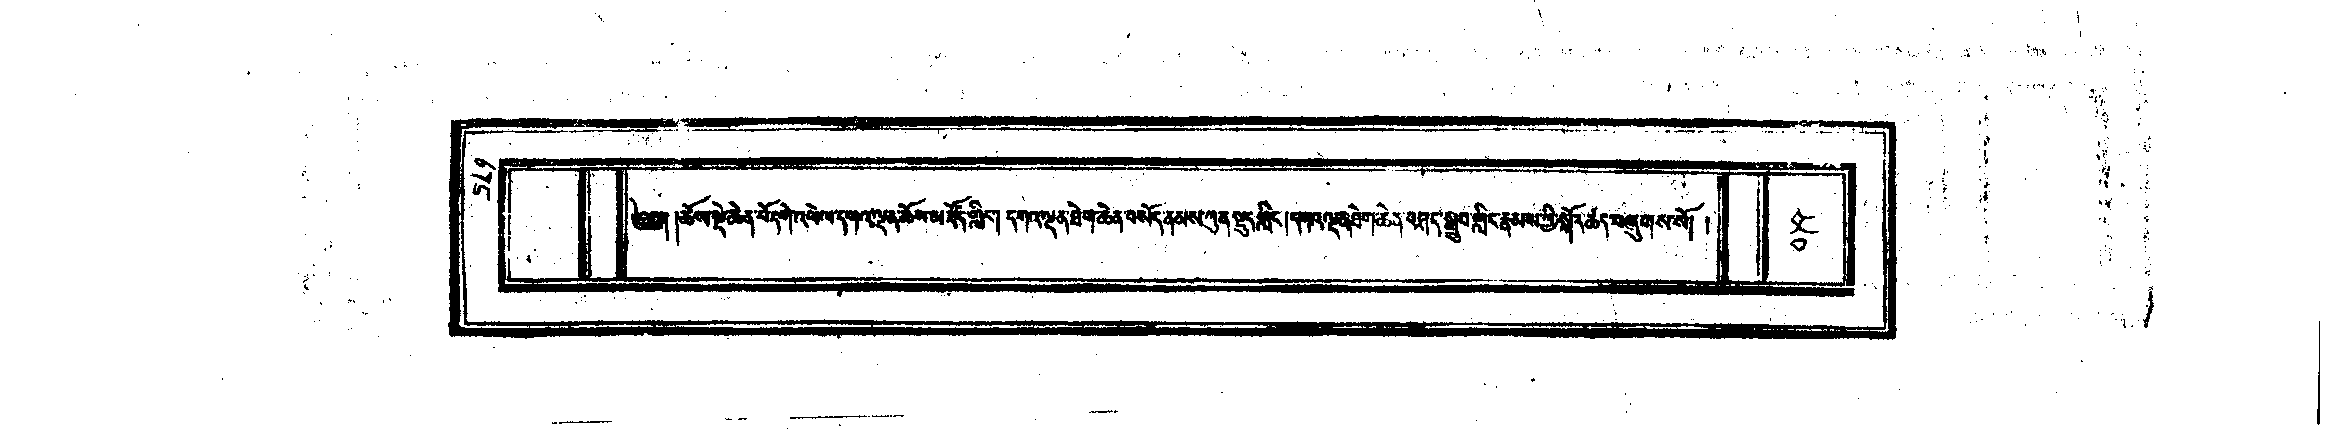༄༅། །ཆོས་སྡེ་ཆེན་པོ་དགེ་འཕེལ་དགའ་ལྡན་ཆོས་མཛོད་གླིང་། དགའ་ལྡན་ཐེག་ཆེན་བསོད་ནམས་ཀུན་སྡུད་གླིང་། དགའ་ལྡན་ཐེག་ཆེན་བཤད་སྒྲུབ་གླིང་རྣམས་ཀྱི་སྐོར་ཚད་བཞུགས་སོ། །